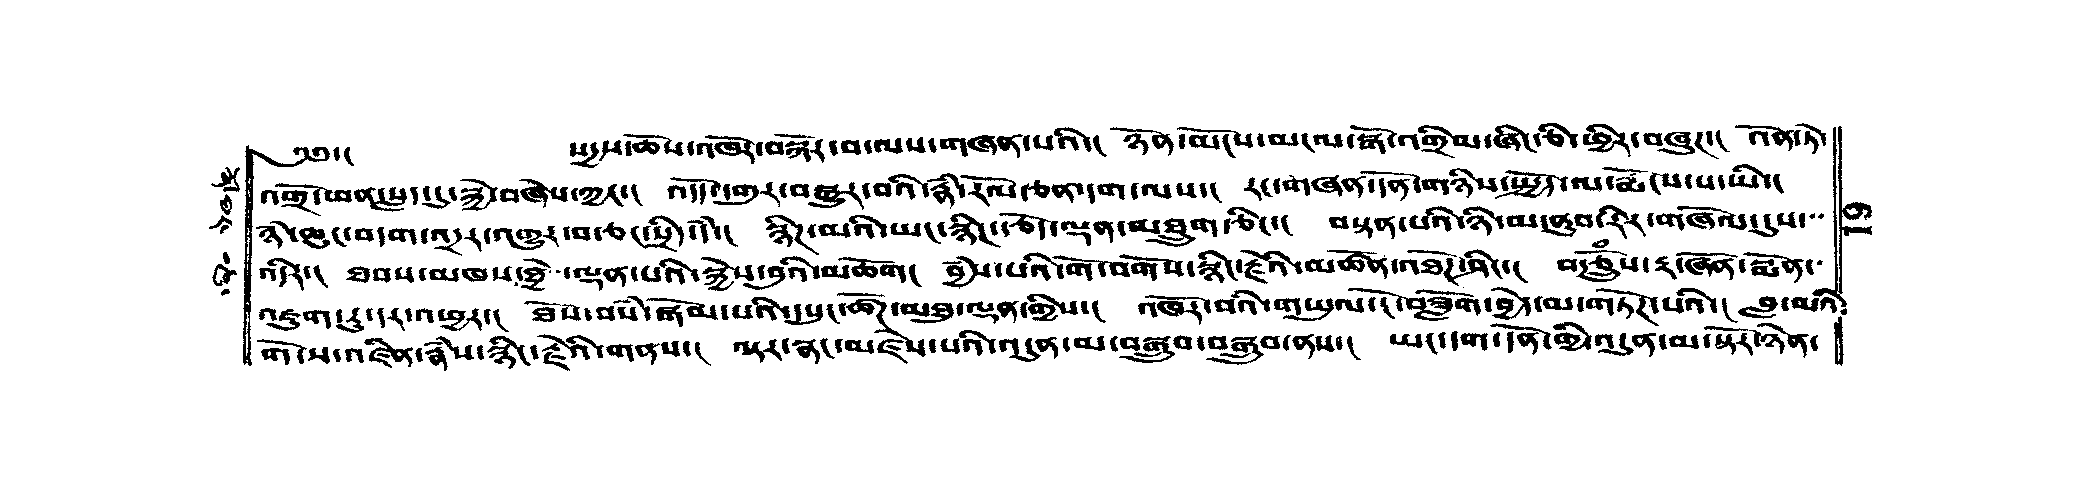།སངས་རྒྱས་ཆོས་འཁོར་བསྐོར་བ་ལས་གཞན་པའི། །ཉོན་མོངས་མངལ་སྒོ་འགྲིམ་ཞིང་ཅི་ཕྱིར་བཞུགས། །འོན་ཏེ་
འགྲོ་ཕན་སླད་དུ་སྐྱེ་བཞེས་ཀྱང་། །འདོད་དགུར་བསྒྱུར་བའི་རྣམ་རོལ་ཅན་དག་ལས། །རང་གཞན་དོན་གཉིས་སྤྱོད་ལ་རྨོངས་པ་ཡི། །
ཉམ་ཆུང་བདག་འདྲར་འགྱུར་བ་ཅང་སྲིད་དམ། །སྙིགས་མའི་ཡང་སྙིང་རྩོད་ལྡན་མཐར་ཐུག་ཅིང་། །བསྟན་པའི་ཉི་མ་ནུབ་རིར་གཞོལ་དུས་
འདིར། །ཐབས་མཁས་ཐུགས་རྗེ་ལྡན་པའི་སྐྱེས་བུའི་མཆོགབྱམས་པའི་གོ་བགོས་སྙིང་རྗེའི་མཚོན་འཐོགས་ཤིང་། །བརྩོན་འགྲུས་རྟ་ཞོན་སྨོན་
འཇུག་རུ་དར་འཕྱར། །ཐོས་བསམ་སྒོམ་པའི་དཔུང་ཚོགས་མཐུ་ལྡན་གྱིས། །འཁོར་བའི་གཡུལ་ངོ་བཟློག་བྱེད་མ་གཏོགས་པའི། །བླ་མའི་
གོ་ས་འཛིན་རྣམས་སྙིང་རྗེའི་གནས། །ལྟར་སྣང་མཛེས་པའི་འདུན་མ་བསྒྲུབ་བསྒྲུབ་ནས། །ཡང་དག་དོན་གྱི་འདུན་མ་སྟོར་ཉེན་